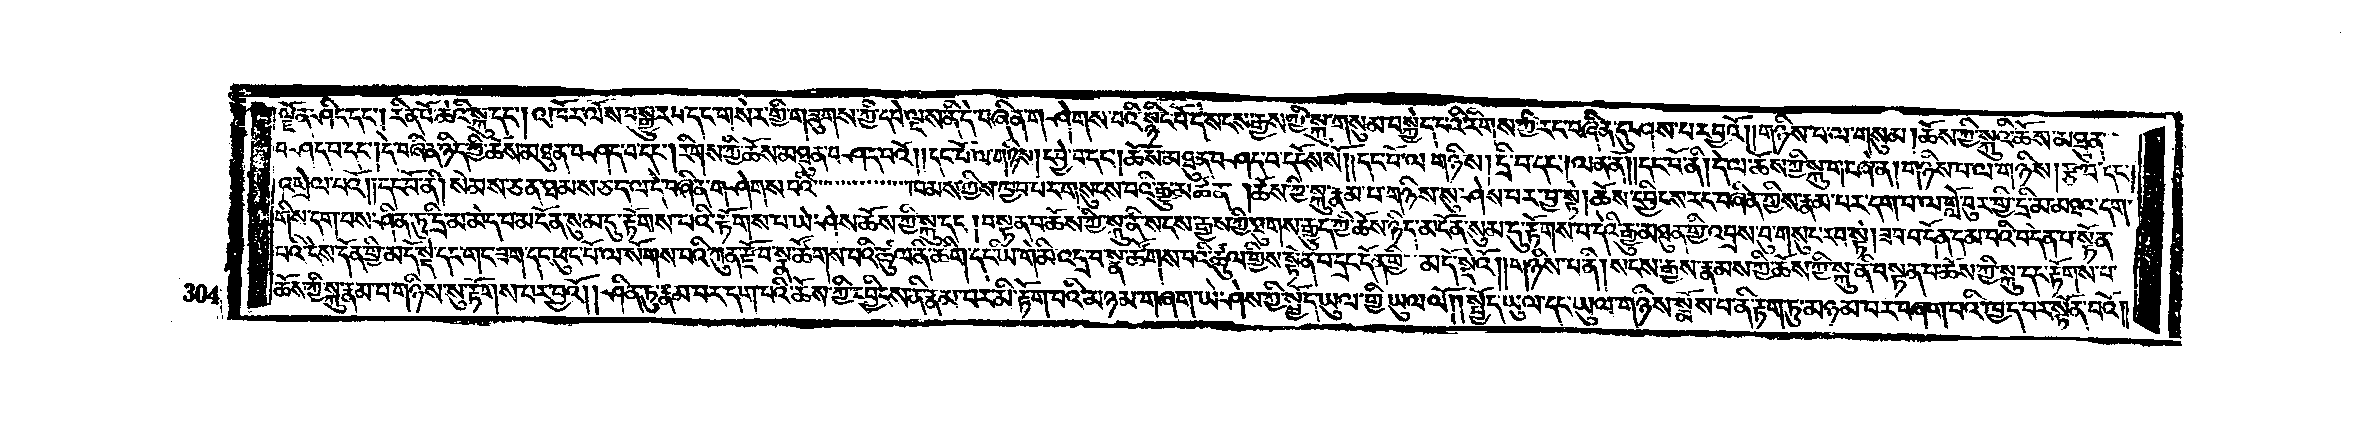ལྗོན་ཤིང་དང་། རིན་པོ་ཆེའི་སྐུ་དང་། འཁོར་ལོས་བསྒྱུར་པ་དང་གསེར་གྱི་གཟུགས་ཀྱི་དཔེ་ལྔས་ནི་དེ་བཞིན་གཤེགས་པའི་སྙིང་པོ་དེ་སངས་རྒྱས་ཀྱི་སྐུ་གསུམ་བསྐྱེད་པའི་རིགས་ཀྱི་རང་བཞིན་དུ་ཤེས་པར་བྱའོ། །གཉིས་པ་ལ་གསུམ། ཆོས་ཀྱི་སྐུའི་ཆོས་མཐུན་
བཤད་པ་དང་། དེ་བཞིན་ཉིད་ཀྱི་ཆོས་མཐུན་བཤད་པ་དང་། རིགས་ཀྱི་ཆོས་མཐུན་བཤད་པའོ། །དང་པོ་ལ་གཉིས། དབྱེ་བ་དང་། ཆོས་མཐུན་བཤད་པ་དངོས་སོ། །དང་པོ་ལ་གཉིས། དྲི་བ་དང་། ལན་ནོ། །དང་པོ་ནི། དེ་ལ་ཆོས་ཀྱི་སྐུ་གང་ཞེ་ན། གཉིས་པ་ལ་གཉིས། རྩ་བ་དང་།
འགྲེལ་པའོ། །དང་པོ་ནི། སེམས་ཅན་ཐམས་ཅད་ལ་དེ་བཞིན་གཤེགས་པའི་ཁམས་ཀྱིས་ཁྱབ་པར་གསུངས་པའི་རྒྱུ་མཚན། ཆོས་ཀྱི་སྐུ་རྣམ་པ་གཉིས་སུ་ཤེས་པར་བྱ་སྟེ། ཆོས་དབྱིངས་རང་བཞིན་གྱིས་རྣམ་པར་དག་པ་ལ་གློ་བུར་གྱི་དྲི་མ་མཐའ་དག་
གིས་དག་པས་ཤིན་ཏུ་དྲི་མ་མེད་པ་མངོན་སུམ་དུ་རྟོགས་པའི་རྟོགས་པ་ཡེ་ཤེས་ཆོས་ཀྱི་སྐུ་དང་། བསྟན་པ་ཆོས་ཀྱི་སྐུ་ནི་སངས་རྒྱས་ཀྱི་ཐུགས་རྒྱུད་ཀྱི་ཆོས་ཉིད་མངོན་སུམ་དུ་རྟོགས་པ་དེའི་རྒྱུ་མཐུན་གྱི་འབྲས་བུ་གསུང་རབ་སྟེ། ཟབ་པ་དོན་དམ་པའི་བདེན་པ་སྟོན་
པའི་ངེས་དོན་གྱི་མདོ་སྡེ་དང་གང་ཟག་དང་ཕུང་པོ་ལ་སོགས་པའི་ཀུན་རྫོབ་སྣ་ཚོགས་པའི་ཚུལ་ནི་ཚིག་དང་ཡི་གེ་མི་འདྲ་བ་སྣ་ཚོགས་པའི་ཚུལ་གྱིས་སྟེན་པ་དྲང་དོན་གྱི་མདོ་སྡེའོ། །གཉིས་པ་ནི། སངས་རྒྱས་རྣམས་ཀྱི་ཆོས་ཀྱི་སྐུ་ནི་བསྟན་པ་ཆོས་ཀྱི་སྐུ་དང་རྟོགས་པ་
ཆོས་ཀྱི་སྐུ་རྣམ་པ་གཉིས་སུ་རྟོགས་པར་བྱའོ། །ཤིན་ཏུ་རྣམ་པར་དག་པའི་ཆོས་ཀྱི་དབྱིངས་ནི་རྣམ་པར་མི་རྟོག་པའི་མཉམ་གཞག་ཡེ་ཤེས་ཀྱི་སྤྱོད་ཡུལ་གྱི་ཡུལ་ལོ། །སྤྱོད་ཡུལ་དང་ཡུལ་གཉིས་སྨོས་པ་ནི་རྟག་ཏུ་མཉམ་པར་བཞག་པའི་ཁྱད་པར་སྟོན་པའོ། །